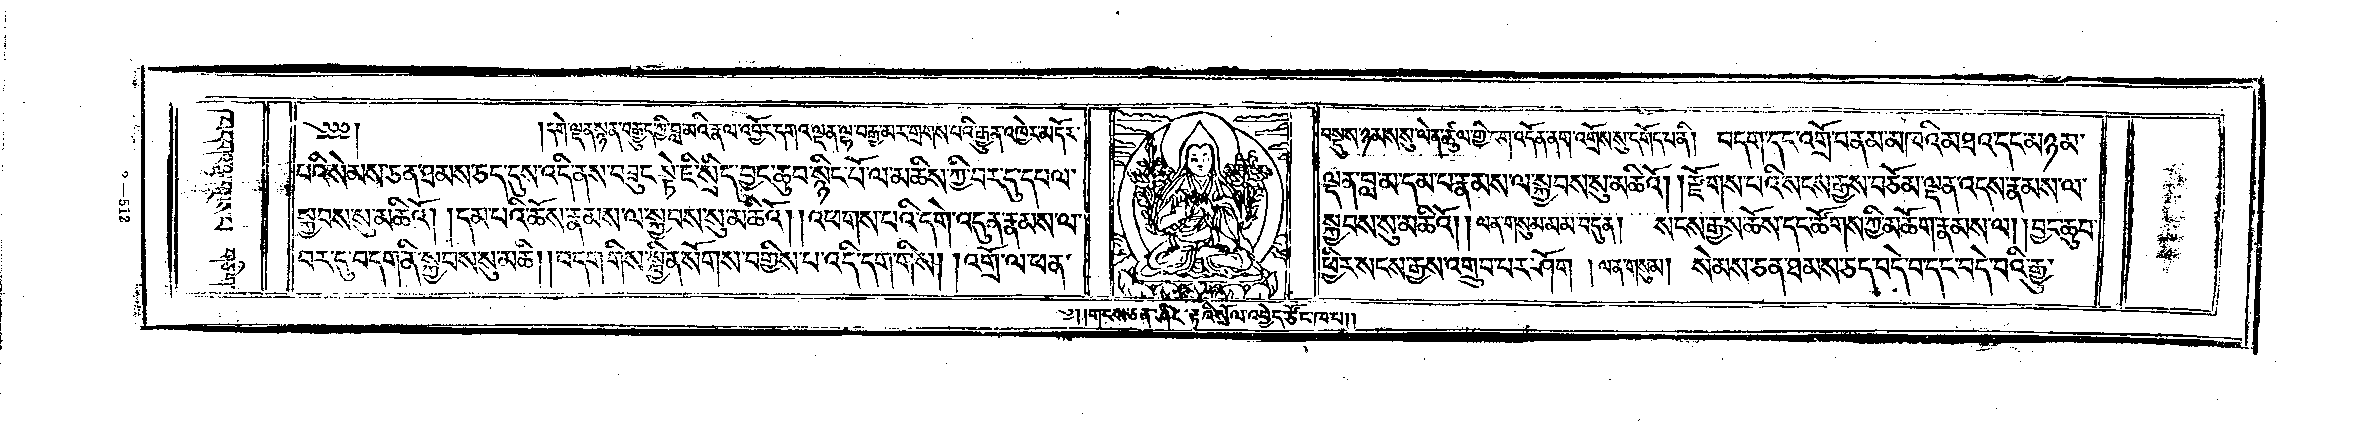༄༅༅། །དགེ་ལྡན་སྙན་བརྒྱུད་ཀྱི་བླ་མའི་རྣལ་འབྱོར་དགའ་ལྡན་ལྷ་བརྒྱ་མར་གྲགས་པའི་རྒྱུན་འཁྱེར་མདོར་བསྡུས་ཉམས་སུ་ལེན་ཚུལ་གྱི་ངག་འདོན་ནག་འགྲོས་སུ་དགོད་པ་ནི།  བདག་དང་འགྲོ་བ་ནམ་མཁའི་མཐའ་དང་མཉམ་
པའི་སེམས་ཅན་ཐམས་ཅད་དུས་འདི་ནས་བཟུང་སྟེ་ཇི་སྲིད་བྱང་ཆུབ་སྙིང་པོ་ལ་མཆིས་ཀྱི་བར་དུ་དཔལ་ལྡན་བླ་མ་དམ་པ་རྣམས་ལ་སྐྱབས་སུ་མཆིའོ། །རྫོགས་པའི་སངས་རྒྱས་བཅོམ་ལྡན་འདས་རྣམས་ལ་
སྐྱབས་སུ་མཆིའོ། །དམ་པའི་ཆོས་རྣམས་ལ་སྐྱབས་སུ་མཆིའོ། །འཕགས་པའི་དགེ་འདུན་རྣམས་ལ་སྐྱབས་སུ་མཆིའོ། །ལན་གསུམ་མམ་བདུན།  སངས་རྒྱས་ཆོས་དང་ཚོགས་ཀྱི་མཆོག་རྣམས་ལ། །བྱང་ཆུབ་
བར་དུ་བདག་ནི་སྐྱབས་སུ་མཆི། །བདག་གིས་སྦྱིན་སོགས་བགྱིས་པ་འདི་དག་གིས། །འགྲོ་ལ་ཕན་ཕྱིར་སངས་རྒྱས་འགྲུབ་པར་ཤོག་།ལན་གསུམ།  སེམས་ཅན་ཐམས་ཅད་བདེ་བ་དང་བདེ་བའི་རྒྱུ་